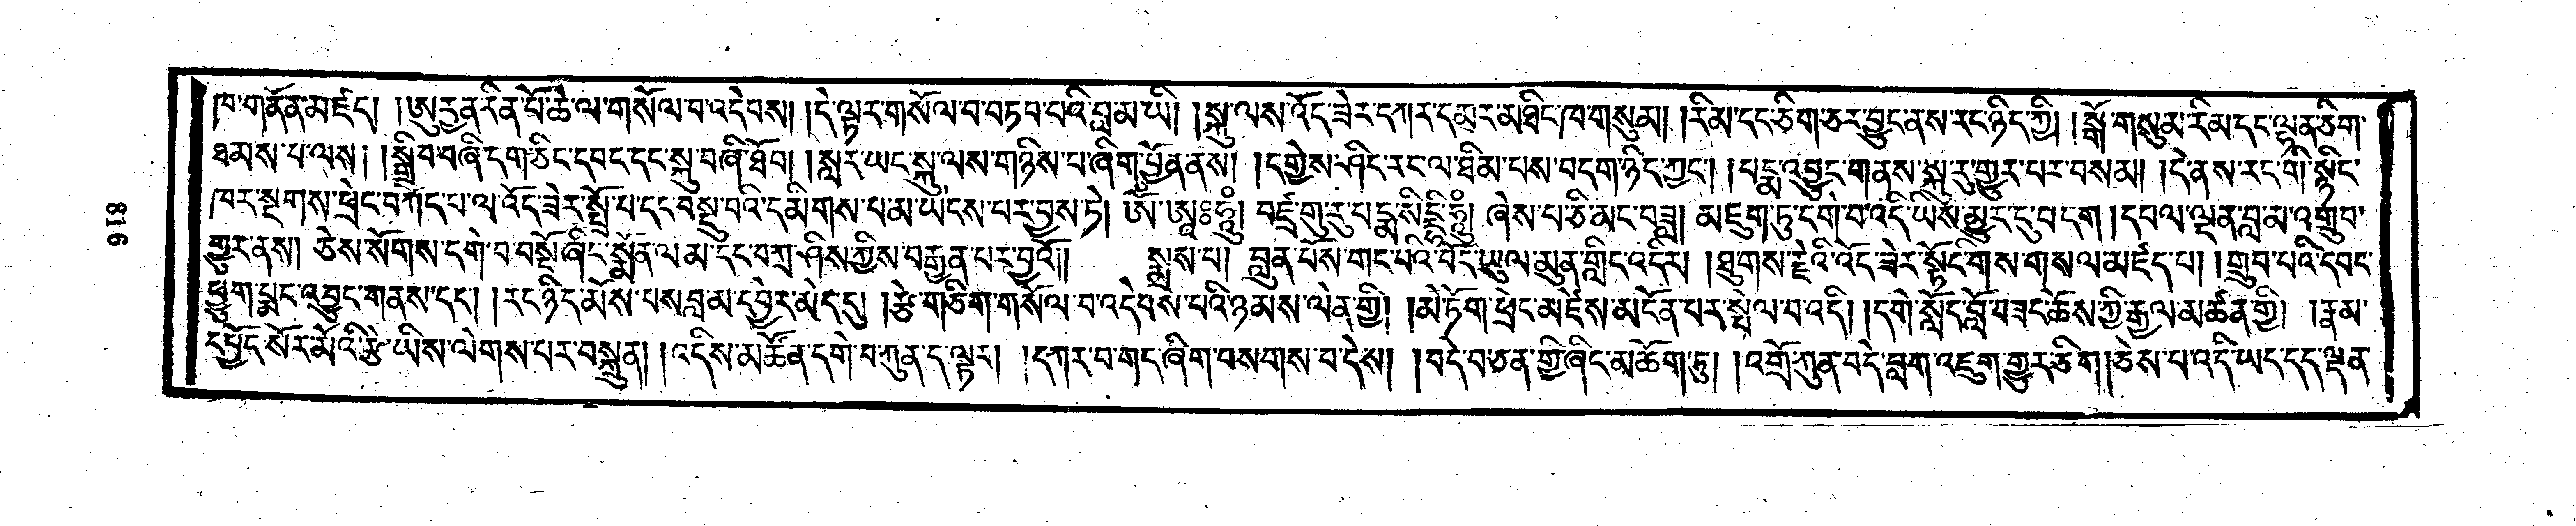ཁ་གནོན་མཛད། །ཨུརྱན་རིན་པོ་ཆེ་ལ་གསོལ་བ་འདེབས། །དེ་ལྟར་གསོལ་བ་བཏབ་པའི་བླ་མ་ཡི། །སྐུ་ལས་འོད་ཟེར་དཀར་དམར་མཐིང་ཁ་གསུམ། །རིམ་དང་ཅིག་ཅར་བྱུང་ནས་རང་ཉིད་ཀྱི། །སྒོ་གསུམ་རིམ་དང་ལྷན་ཅིག་
ཐིམས་པ་ལས། །སྒྲིབ་བཞི་དག་ཅིང་དབང་དང་སྐུ་བཞི་ཐོབ། །སླར་ཡང་སྐུ་ལས་གཉིས་པ་ཞིག་བྱོན་ནས། །དགྱེས་ཤིང་རང་ལ་ཐིམ་པས་བདག་ཉིད་ཀྱང་། །པདམ་འབྱུང་གནས་སྐུ་རུ་གྱུར་པར་བསམ། །དེ་ནས་རང་གི་སྙིང་
ཁར་སྔགས་ཕྲེང་བཀོད་པ་ལ་འོད་ཟེར་སྤྲོ་བ་དང་བསྡུ་བའི་དམིགས་པ་མ་ཡེངས་པར་བྱས་ཏེ། ཨོཾ་ཨཱཿ ཧཱུཾ། བཛྲ་གུ་རུ་པདམ་སིདྡྷི་ཧཱུཾ། ཞེས་པ་ཅི་མང་བཟླ། མཇུག་ཏུ་དགེ་བ་འདི་ཡིས་མྱུར་དུ་བདག །དཔལ་ལྡན་བླ་མ་འགྲུབ་
གྱུར་ནས། ཅེས་སོགས་དགེ་བ་བསྔོ་ཞིང་སྨོན་ལམ་དང་བཀྲ་ཤིས་ཀྱིས་བརྒྱན་པར་བྱའོ། །སྨྲས་པ། བླུན་པོས་གང་བའི་བོད་ཡུལ་མིན་གླིང་འདིར། །ཐུགས་རྗེའི་འོད་ཟེར་སྟོང་གིས་གསལ་མཛད་པ། །གྲུབ་པའི་དབང་
ཕྱུག་པདམ་འབྱུང་གནས་དང་། །རང་ཉིད་མོས་པས་བླ་མ་དབྱེར་མེད་དུ། །རྩེ་གཅིག་གསོལ་བ་འདེབས་པའི་ཉམས་ལེན་གྱི། །མེ་ཏོག་ཕྲེང་མཛེས་མངོན་པར་སྤེལ་བ་འདི། །དགེ་སློང་བློ་བཟང་ཆོས་ཀྱི་རྒྱལ་མཚན་གྱི། །རྣམ་
དཔྱོད་སོར་མོའི་རྩེ་ཡིས་ལེགས་པར་བསྐྲུན། །འདིས་མཚོན་དགེ་བ་ཀུན་ད་ལྟར། །དཀར་བ་གང་ཞིག་བསགས་པ་དེས། །བདེ་བ་ཅན་གྱི་ཞིང་མཆོག་ཏུ། །འགྲོ་ཀུན་བདེ་བླག་འཇུག་གྱུར་ཅིག །ཅེས་པ་འདི་ཡང་དད་ལྡན་